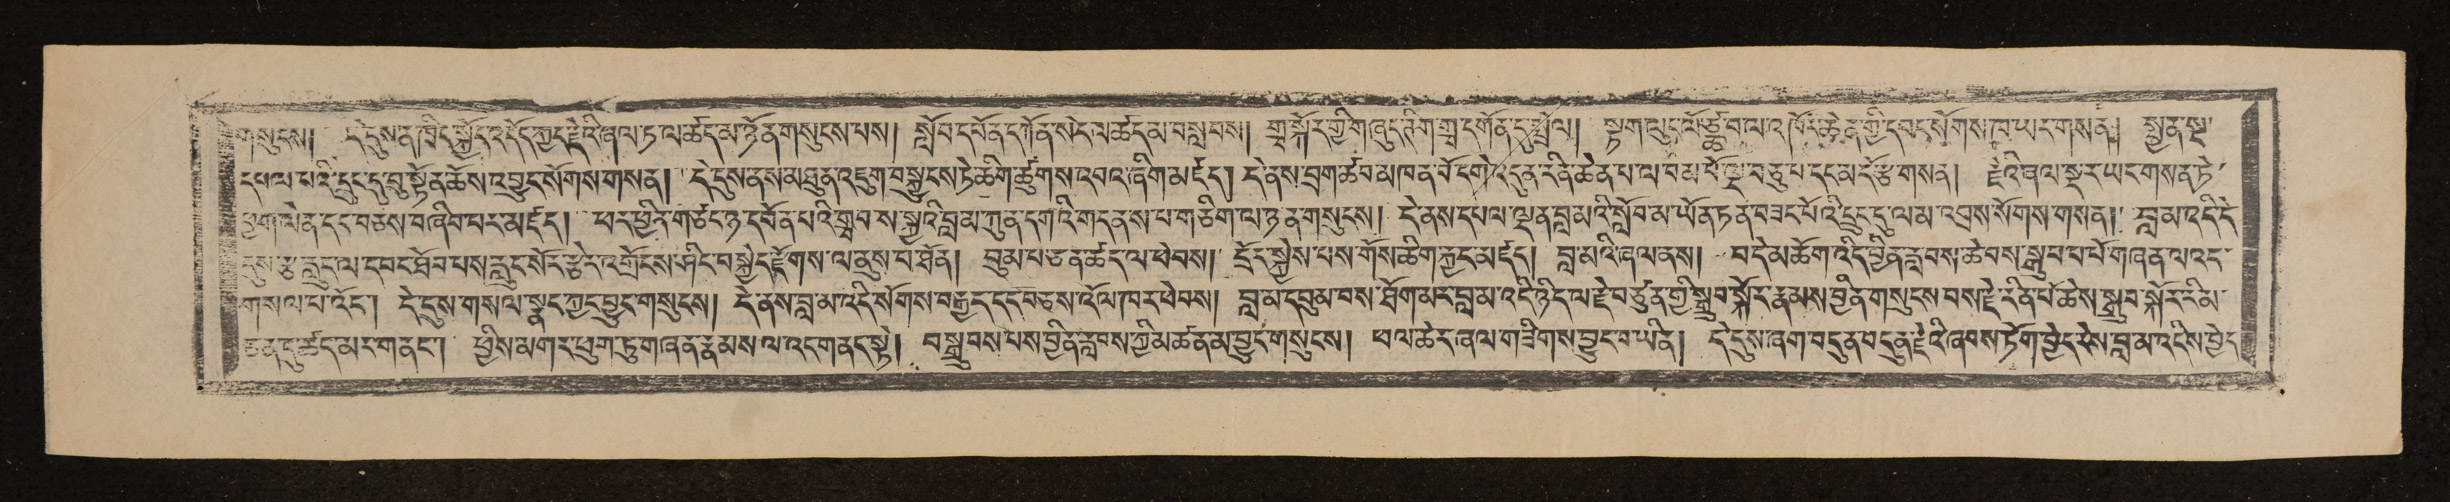གསུངས། དེ་དུས་ན་ཁྲིད་སྐྱོང་འདོད་ཀྱང་རྗེའི་ཞལ་ཏ་ལ་ཚད་མ་ཉོན་གསུངས་པས། སློབ་དཔོན་དཀོན་སེང་ལ་ཚད་མ་བསླབས། གྭ་སྐོར་གྱི་གཞུང་ཊིག་གྲྭ་དགོན་དུ་སྦྲེལ། སྟག་ལུང་ལོ་ཙྪ་བ་ལ་འཁོར་ཆེན་གྱི་དབང་སོགས་ཁ་ཡར་གསན། སྤྱན་སྔ་
དཔལ་འདི་དྲུང་དུ་བུ་སྟོན་ཆོས་འབྱུང་སོགས་གསན། དེ་དུས་ནས་མཐུན་འཇུག་བསྐྱུངས་ཏེ་ཆིག་ཚུགས་འབའ་ཞིག་མཛད། དེ་ནས་བྲག་ཚབ་མཁན་པོ་དགེ་འདུན་རིན་ཆེན་པ་ལ་བམ་པོ་ལྔ་བཅུ་པ་དང་མདོ་རྩ་གསན། རྗེའི་ཞལ་སྔར་ཡང་གསན་ཏེ་
ཕྱག་ལེན་དང་བཅས་པ་ཞིབ་པར་མཛད། ཕར་བྱིན་གཙང་ཉ་དཔོན་པའི་གྲྭ་བ་ས་སྐྱའི་བླ་མ་ཀུན་དགའི་གདན་ས་པ་གཅིག་ལ་ཉན་གསུངས། དེ་ནས་དཔལ་ལྡན་བླ་མའི་སློབ་མ་ཡོན་ཏན་བཟང་པོའི་དྲུང་དུ་ལམ་འབྲས་སོགས་གསན། བླ་མ་འདི་དེ་
དུས་རྩ་རླུང་ལ་དབང་ཐོབ་པས་རླུང་སོར་རྩེར་འགྲོངས་ཤིང་བསྐྱེད་རྫོགས་ལ་ནུས་པ་ཐོན། བུམ་པ་ཅན་ཚད་ལ་ཕེབས། དྲོད་སྐྱེས་པས་གོས་ཆིག་རྐྱང་མཛད། བླ་མའི་ཞལ་ནས། བདེ་མཆོག་འདི་བྱིན་རླབས་ཆེ་བས་སྒྲུབ་པ་པོ་གཞན་ལའང་
གསལ་པོ་འོང་། དེ་དུས་གསལ་སྣང་ཀྱང་བྱུང་གསུང་། དེ་ནས་བླ་མ་འདི་སོགས་བརྒྱད་དང་བཅས་འོལ་ཁར་ཕེབས། བླ་མ་དབུ་མ་པས་ཐོག་མར་བླ་མ་འདི་ཉིད་ལ་རྗེ་བཙུན་གྱི་སྒྲུབ་སྐོར་རྣམས་བྱིན་གསུངས་པས་རྗེ་རིན་པོ་ཆེས་སྒྲུབ་སྐོར་རིམ་
ཅན་དུ་ཚད་མར་གནང་། ཕྱིས་མགར་ཕུག་ཏུ་གཞན་རྣམས་ལའང་གནང་སྟེ། བསྒྲུབས་པས་བྱིན་རླབས་ཀྱི་མཚན་མ་བྱུང་གསུངས། ཕལ་ཆེར་ཞལ་གཟིགས་བྱུང་བ་ཡིན། དེ་དུས་ཞག་བདུན་བདུན་རྗེའི་ཞབས་ཏོག་བྱེད་རེས་བླ་མ་འདིས་བྱེད་